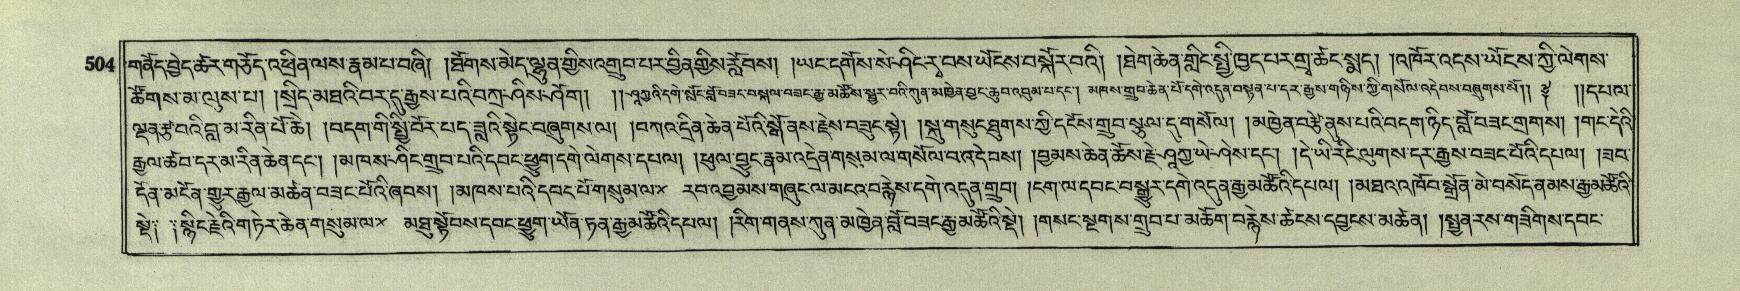གནོད་བྱེད་ཚར་གཅོད་འཕྲིན་ལས་རྣམ་པ་བཞི། །ཐོགས་མེད་ལྷུན་གྱིས་འགྲུབ་པར་བྱིན་གྱིས་རློབས། །ཡང་དགོས་སེ་ཤིང་རྭ་བས་ཡོངས་བསྐོར་བའི། །ཐེག་ཆེན་གླིང་སྤྱི་ཁྱད་པར་གྲྭ་ཚང་སྨད། །འཁོར་འདས་ཡོངས་ཀྱི་ལེགས་
ཚོགས་མ་ལུས་པ། །སྲིད་མཐའི་བར་དུ་རྒྱས་པའི་བཀྲ་ཤིས་ཤོག། །།ཤཱཀྱའི་དགེ་སློང་བློ་བཟང་བསྐལ་བཟང་རྒྱ་མཚོས་སྦྱར་བའི་ཀུན་མཁྱེན་བྱང་ཆུབ་འབུམ་པ་དང་། མཁས་གྲུབ་ཆེན་པོ་དགེ་འདུན་བསྟན་པ་དར་རྒྱས་གཉིས་ཀྱི་གསོལ་འདེབས་བཞུགས་སོ།།  འ་།།དཔལ་
ལྡན་རྩ་བའི་བླ་མ་རིན་པོ་ཆེ། །བདག་གི་སྤྱི་བོར་པད་ཟླའི་སྟེང་བཞུགས་ལ། །བཀའ་དྲིན་ཆེན་པོའི་སྒོ་ནས་རྗེས་བཟུང་སྟེ། །སྐུ་གསུང་ཐུགས་ཀྱི་དངོས་གྲུབ་སྩལ་དུ་གསོལ། །མཁྱེན་བརྩེ་ནུས་པའི་བདག་ཉིད་བློ་བཟང་གྲགས། །གང་དེའི་
རྒྱལ་ཚབ་དར་མ་རིན་ཆེན་དང་། །མཁས་ཤིང་གྲུབ་པའི་དབང་ཕྱུག་དགེ་ལེགས་དཔལ། །ཕུལ་བྱུང་རྣམ་འདྲེན་གསུམ་ལ་གསོལ་བ་འདེབས། །བྱམས་ཆེན་ཆོས་རྗེ་ཤཱཀྱ་ཡེ་ཤེས་དང་། །དེ་ཡི་རིང་ལུགས་དར་རྒྱས་བཟང་པོའི་དཔལ། །ཟབ་
དོན་མངོན་གྱུར་རྒྱལ་མཚན་བཟང་པོའི་ཞབས། །མཁས་པའི་དབང་པོ་གསུམ་ལ་྾་རབ་འབྱམས་གཞུང་ལ་མངའ་བརྙེས་དགེ་འདུན་གྲུབ། །ངག་ལ་དབང་བསྒྱུར་དགེ་འདུན་རྒྱ་མཚོའི་དཔལ། །མཐའ་འཁོར་སྒྲོན་མེ་བསོད་ནམས་རྒྱ་མཚོའི་
སྡེ༑ ༑སྙིང་རྗེའི་གཏེར་ཆེན་གསུམ་ལ་྾་མཐུ་སྟོབས་དབང་ཕྱུག་ཡོན་ཏན་རྒྱ་མཚོའི་དཔལ། །རིག་གནས་ཀུན་མཁྱེན་བློ་བཟང་རྒྱ་མཚོའི་སྡེ། །གསང་སྔགས་གྲུབ་པ་མཆོག་བརྙེས་ཚངས་དབྱངས་མཚན། །སྤྱན་རས་གཟིགས་དབང་